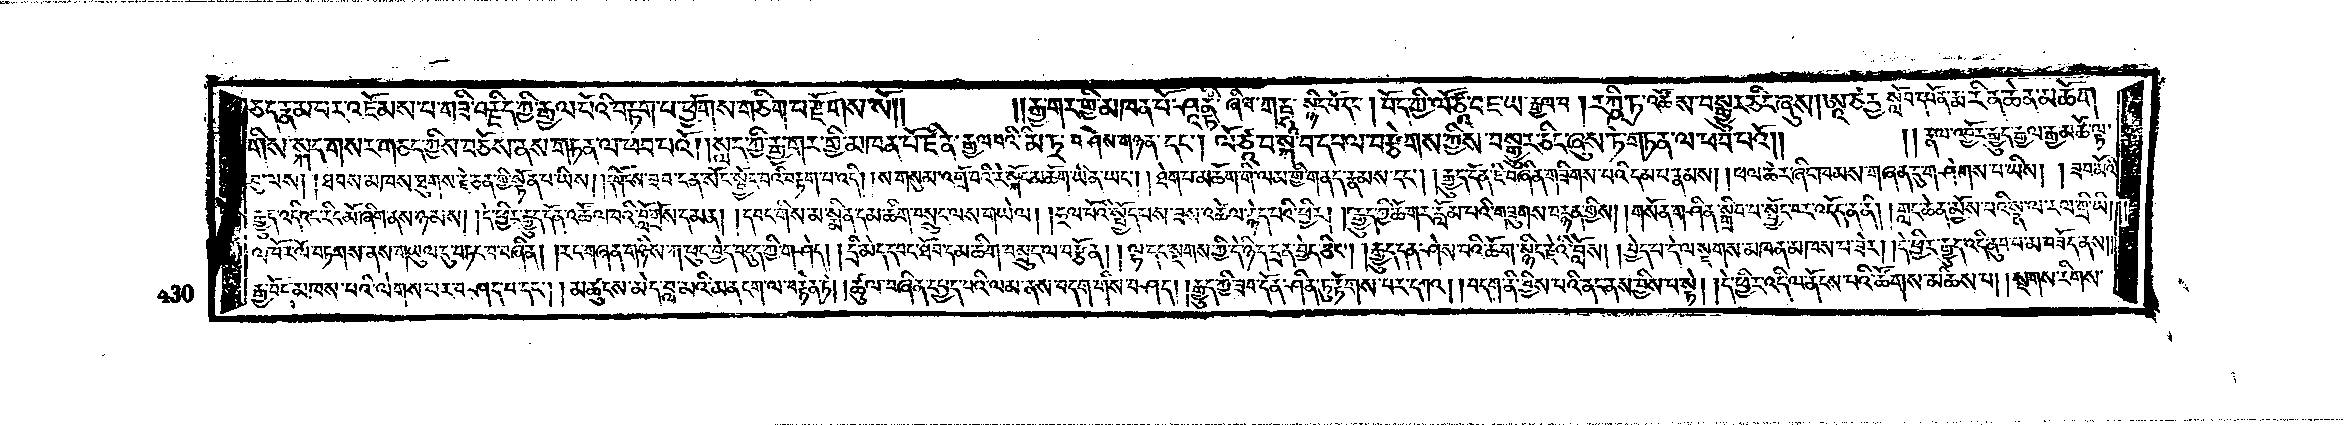ཅད་རྣམ་པར་འཇོམས་པ་གཟི་བརྗིད་ཀྱི་རྒྱལ་པོའི་བརྟག་པ་ཕྱོགས་གཅིག་པ་རྫོགས་སོ།། །།རྒྱ་གར་གྱི་མཁན་པོ་ཤཱནྟི་ཞིཝ་གརྦྷཱ་སྙིང་པོ་དང་།  བོད་ཀྱི་ལོ་ཙཱ་བ་ཇ་ཡ་རྒྱལ་བ།  རཀྵི་ཏ་འཚེས་བསྒྱུར་ཅིང་ཞུས། ཨཱ་ཙརྱ་སློབ་དཔོན་རྨ་རིན་ཆེན་མཆོག་
གིས་སྐད་གསར་གཅད་ཀྱིས་བཅོས་ནས་གཏན་ལ་ཕབ་པའོ། །སླད་ཀྱི་རྒྱ་གར་གྱི་མཁན་པོ་ཛི་ན་རྒྱལ་བའི་མི་ཏྲ་བཤེས་གཉེན་དང་། ལོ་ཙཱ་བ་སྐ་བ་དཔལ་བརྩེགས་ཀྱིས་བསྒྱུར་ཅིང་ཞུས་ཏེ་གཏན་ལ་ཕབ་པའོ།། །།རྣལ་འབྱོར་རྒྱུད་རྒྱལ་རྒྱ་མཚོ་ལྟ་
བུ་ལས། །ཐབས་མཁས་ཐུགས་རྔ་ཅན་གྱི་སྟོན་པ་ཡིས། །དགོངས་ཟབ་ངན་སོང་སྦྱོང་བའི་བརྟག་པ་འདི། །ས་གསུམ་འགྲོ་བའི་རེ་སྐོང་མཆོག་ཡིན་ཡང་། །ཐེག་པ་མཆོག་གི་ལམ་གྱི་གནད་རྣམས་དང་། །རྒྱུད་དོན་ཇི་བཞིན་གཟིགས་པའི་དམ་པ་རྣམས། །ཕལ་ཆེར་ཞིང་ཁམས་གཞན་དུ་གཤེགས་པ་ཡིས། །ཟབ་མོའི་
རྒྱུད་འདིའང་རིང་མོ་ཞིག་ནས་ཉམས། །དེ་ཕྱིར་རྒྱུད་དོན་འཚོལ་བའི་བློ་གྲོས་དམན། །དབང་གིས་མ་སྨིན་དམ་ཚིག་བསྲུང་ལས་གཡེལ། །ཧྲལ་པོའི་སྤྱོད་པས་ཟས་འཚོལ་རྙེད་པའི་ཕྱིར། །རྒྱུད་ཀྱི་ཆོ་གར་རློམ་པའི་གཟུགས་བརྙན་གྱིས། །གསོན་གཤིན་སྒྲིབ་པ་སྤྱོད་བར་འདོད་ན་ནི། །གླང་ཆེན་མྱོས་པའི་སྣ་ལ་རལ་གྲི་ཡི།
འཁོར་ལོ་བཏགས་ནས་གཡུལ་དུ་བཏང་བ་བཞིན། །རང་གཞན་གཉིས་ཀ་ཕུང་བྱེད་བདུད་ཀྱི་གཤེད། །དྲི་མེད་དབང་ཐོབ་དམ་ཚིག་བསྲུང་ལ་བརྩོན། །ལྷ་དང་སྔགས་ཀྱི་དེ་ཉིད་དྲན་བྱེད་ཅིང་། །རྒྱུད་དན་ཤེས་པའི་ཆོ་ག་སྙིང་རྗེའི་བློས། །བྱེད་པ་དེ་ལ་སྔགས་མཁན་མཁས་པ་ཟེར། །དེ་ཕྱིར་རྒྱུད་འདི་ནུབ་པ་མ་བཟོད་ནས།
རྒྱ་བོད་མཁས་པའི་ལེགས་པར་བཤད་པ་དང་། །མཚུངས་མེད་བླ་མའི་མན་ངག་ལ་བརྟེན་ཏེ། །ཚུལ་བཞིན་དཔྱད་པའི་ལམ་ནས་བདག་གིས་བཤད། །རྒྱུད་ཀྱི་ཟབ་དོན་ཤིན་ཏུ་རྟོགས་པར་དཀའ། །བདག་ནི་བྱིས་པའི་ནང་ནས་བྱིས་པ་སྟེ། །དེ་ཕྱིར་འདི་ལ་ནོངས་པའི་ཚོགས་མཆིས་པ། །སྔགས་རིགས་